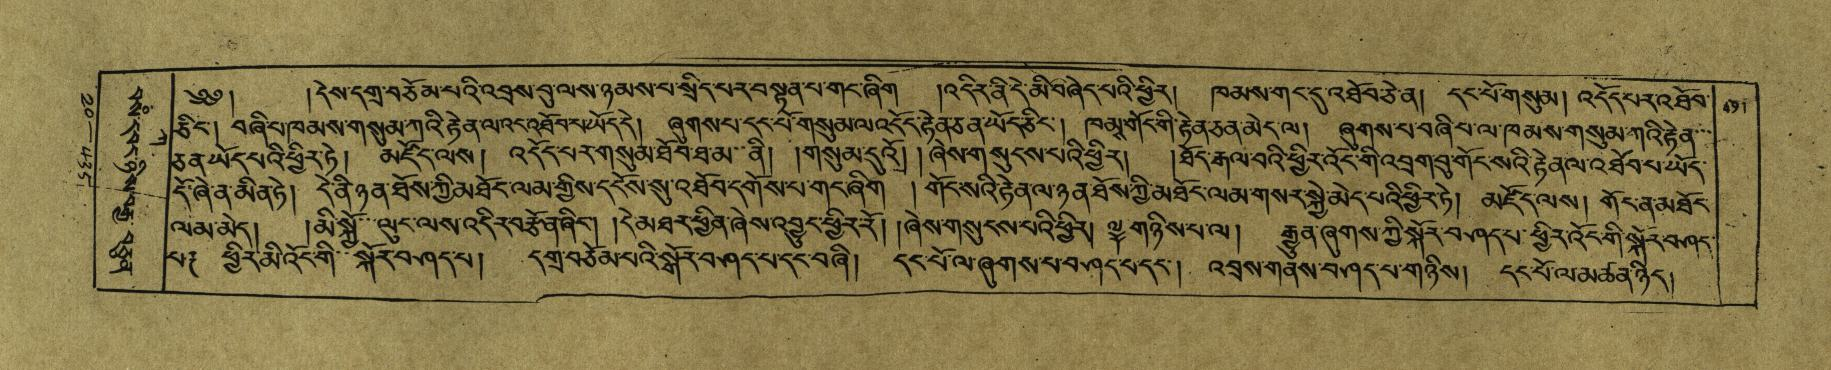༄༅། །དེས་དགྲ་བཅོམ་པའི་འབྲས་བུ་ལས་ཉམས་པ་སྲིད་པར་བསྟན་པ་གང་ཞིག །འདིར་ནི་དེ་མི་བཞེད་པའི་ཕྱིར། ཁམས་གང་དུ་འཐོབ་ཅེ་ན། དང་པོ་གསུམ། འདོད་པར་འཐོབ་
ཅིང་། བཞི་པ་ཁམས་གསུམ་ཀའི་རྟེན་ལའང་འཐོབ་པ་ཡོད་དེ། ཞུགས་པ་དང་པོ་གསུམ་ལ་འདོད་རྟེན་ཅན་ཡོད་ཅིང་། ཁམས་གོང་གི་རྟེན་ཅན་མེད་ལ། ཞུགས་པ་བཞི་པ་ལ་ཁམས་གསུམ་ཀའི་རྟེན་
ཅན་ཡོད་པའི་ཕྱིར་ཏེ། མཛོད་ལས། འདོད་པར་གསུམ་ཐོབ་ཐ་མ་ནི། །གསུམ་དུའོ། །ཞེས་གསུངས་པའི་ཕྱིར། །ཐོད་རྒལ་བའི་ཕྱིར་འོང་གི་འབྲག་བུ་གོང་སའི་རྟེན་ལ་འཐོབ་པ་ཡོད་
དོ་ཞེ་ན་མིན་ཏེ། དེ་ནི་ཉན་ཐོས་ཀྱི་མཐོང་ལམ་གྱིས་དངོས་སུ་འཐོབ་དགོས་པ་གང་ཞིག །གོང་སའི་རྟེན་ལ་ཉན་ཐོས་ཀྱི་མཐོང་ལམ་གསར་སྐྱེ་མེད་པའི་ཕྱིར་ཏེ། མཛོད་ལས། གོང་ན་མཐོང་
ལམ་མེད། །མི་སྐྱོ་ལུང་ལས་འདིར་བརྩོན་ཞིང་། །དེ་མཐར་ཕྱིན་ཞེས་འབྱུང་ཕྱིར་རོ། །ཞེས་གསུངས་པའི་ཕྱིར། ༈ གཉིས་པ་ལ། རྒྱུན་ཞུགས་ཀྱི་སྐོར་བཤད་པ་ཕྱིར་འོང་གི་སྐོར་བཤད་
པ༑ ཕྱིར་མི་འོང་གི་སྐོར་བཤད་པ། དགྲ་བཅོམ་པའི་སྒོར་བཤད་པ་དང་བཞི། དང་པོ་ལ་ཞུགས་པ་བཤད་པ་དང་། འབྲས་གནས་བཤད་པ་གཉིས། དང་པོ་ལ་མཚན་ཉིད། །